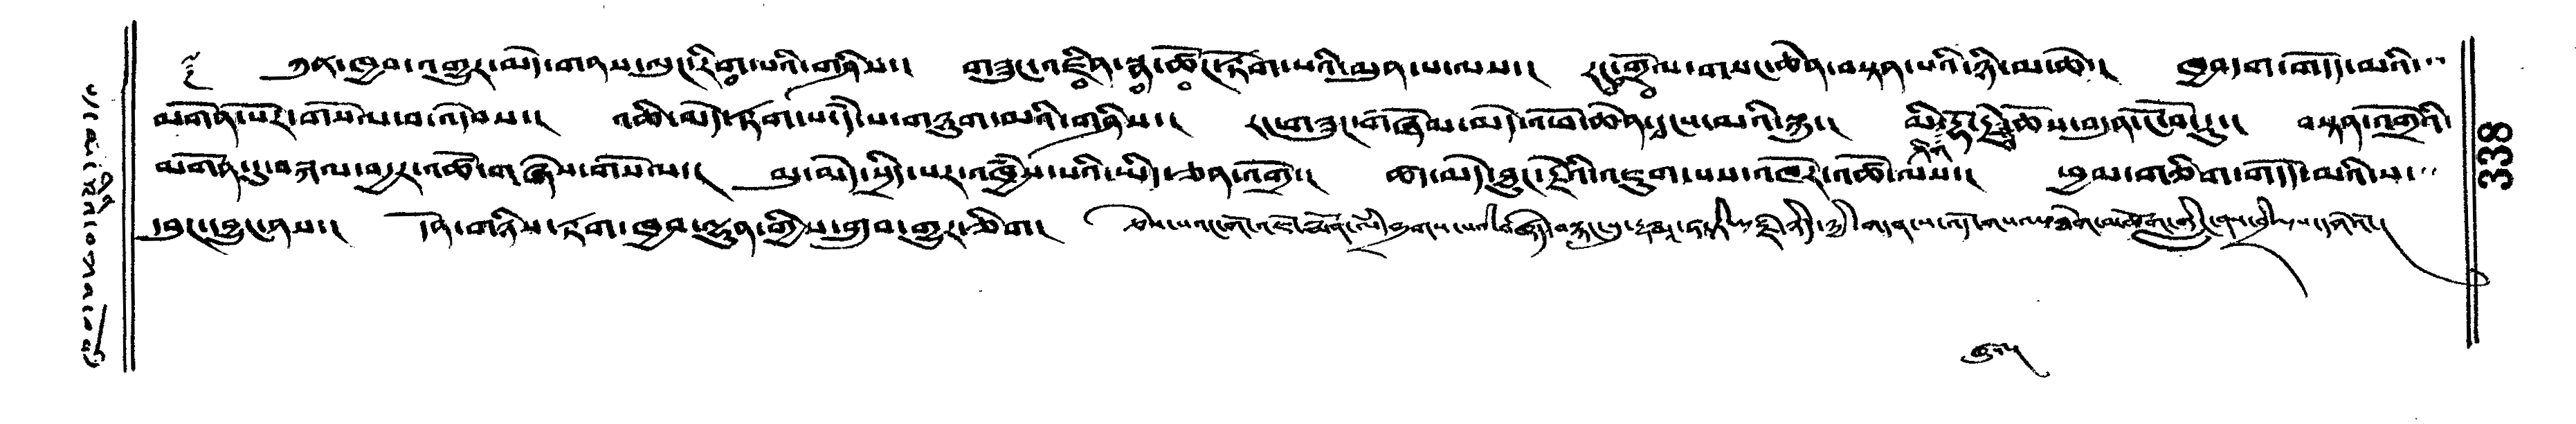༈ ཀུན་ཁྱབ་འགྱུར་མེད་གནས་ལུགས་རིག་པའི་གཤིས། །གཟུང་འཛིན་སྣ་ཚོགས་རྟོག་པའི་མུན་པ་ལས། །རང་གྲོལ་གསང་ཆེན་བསྟན་པའི་ཉི་མ་ཆེ། ཁྱབ་དག་གདོད་མའི་
མགོན་པོར་གསོལ་བ་འདེབས། །འཆི་མེད་རྟག་པ་དམ་པ་གཉུག་མའི་གཤིས། །རང་གཟུགས་གཞོམ་མེད་འཕོ་ཆེན་དྭངས་མའི་སྐུ། །མི་བཤིག་རྡོ་རྗེའི་ཆོས་བདུན་ངོ་བོ་རུ། །བསྟན་འགྲོའི་
མགོན་དུ་བསྐལ་བརྒྱར་འཚོ་གཞེས་གསོལ། །མུ་མེད་སྲིད་པར་འཁྱམས་པའི་ཡིད་ཅན་འགྲོ། །ཚད་མེད་ཐུགས་རྗེའི་འཇུག་པས་འཁོར་མཚོ་ལས། །ཕྱམ་གཅིག་གདོད་མའི་ས་ལ་
དབུགས་དབྱུང་ནས། །དོན་གཉིས་རྟག་ཁྱབ་ལྷུན་གྱིས་གྲུབ་གྱུར་ཅིག ཅེས་པའང་གོ་འཇོ་སྨོན་ལམ་གྲགས་པའི་བཞེད་སྐོང་དུ་དྷརྨཱ་ཧསྟིས་རྗེ་ཉིད་ཀྱི་གདན་ས་འོད་གསལ་ཐེག་མཆོག་གླིང་ནས་བྲིས་པ་དགེའོ།།